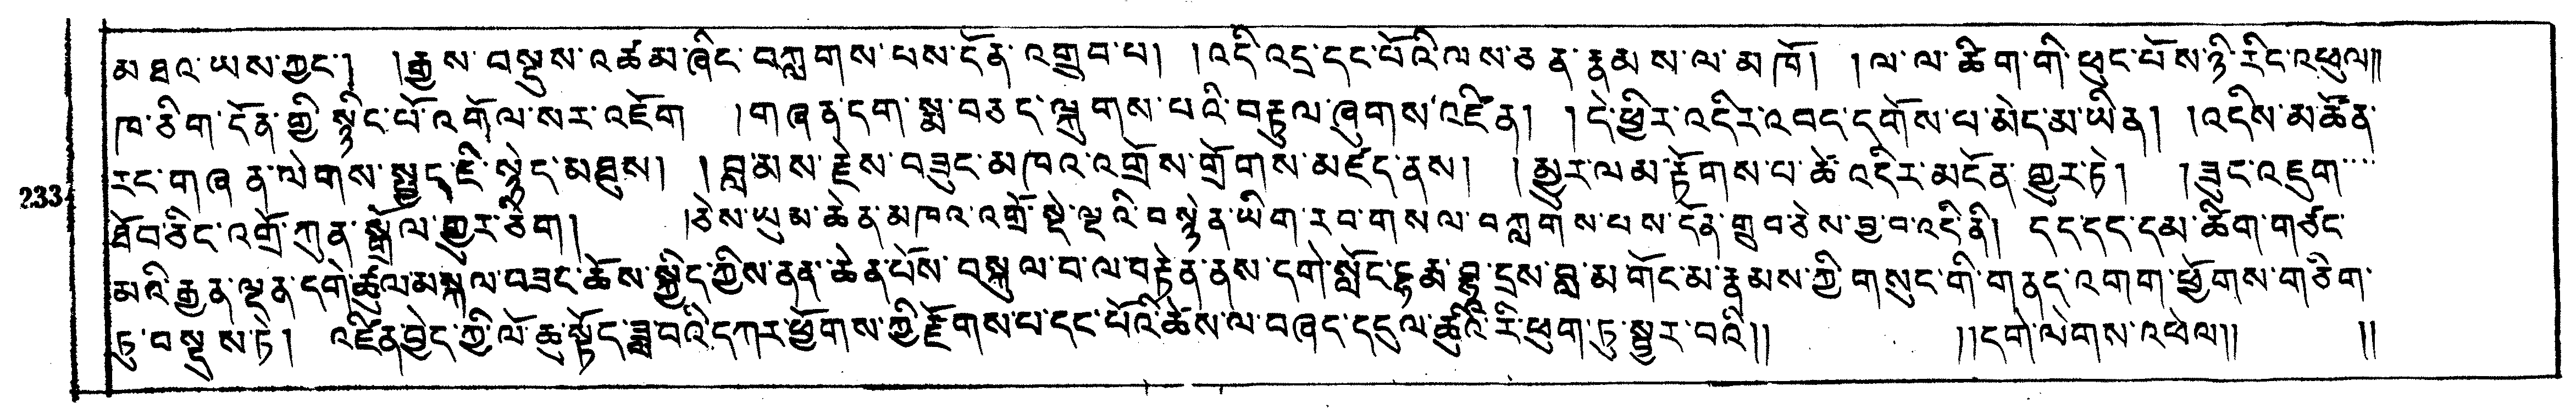མཐའ་ཡས་ཀྱང་། །རྒྱས་བསྡུས་འཚམ་ཞིང་བཀླགས་པས་དོན་འགྲུབ་པ། །འདི་འདྲ་དང་པོའི་ལས་ཅན་རྣམས་ལ་མཁོ། །ལ་ལ་ཚིག་གི་ཕུང་པོས་ཉི་རིང་འཕུལ། །
ཁ་ཅིག་དོན་གྱི་སྙིང་པོ་འགོལ་སར་འཇོག །གཞན་དག་སྨ་བཅད་ལྐུགས་པའི་བརྟུལ་ཞུགས་འཛིན། །དེ་ཕྱིར་འདིར་འབད་དགོས་པ་མེད་མ་ཡིན། །འདིས་མཚོན་
རང་གཞན་ལེགས་སྤྱད་ཇི་སྙེད་མཐུས། །བླ་མས་རྗེས་བཟུང་མཁའ་འགྲོས་གྲོགས་མཛད་ནས། །མྱུར་ལམ་རྟོགས་པ་ཚེ་འདིར་མངོན་གྱུར་ཏེ། །ཟུང་འཇུག་
ཐོབ་ཅིང་འགྲོ་ཀུན་སྒྲོལ་གྱུར་ཅིག །ཅེས་ཡུམ་ཆེན་མཁའ་འགྲོ་སྡེ་ལྔའི་བསྙེན་ཡིག་རབ་གསལ་བཀླགས་པས་དོན་གྲུབ་ཅེས་བྱ་བ་འདི་ནི། དད་དད་དམ་ཚིག་གཙང་
མའི་རྒྱན་ལྡན་དགེ་ཚུལ་མ་སྐལ་བཟང་ཆོས་སྐྱིད་ཀྱིས་ནན་ཆེན་པོས་བསྐུལ་བ་ལ་བརྟེན་ནས་དགེ་སློང་དྷརྨ་བྷཱ་དྲས་བླ་མ་གོང་མ་རྣམས་ཀྱི་གསུང་གི་གནད་འགག་ཕྱོགས་གཅིག་
ཏུ་བསྡུས་ཏེ། འཛིན་བྱེད་ཀྱི་ལོ་ཆུ་སྟོད་ཟླ་བའི་དཀར་ཕྱོགས་ཀྱི་རྫོགས་པ་དང་པོའི་ཚེས་ལ་བཞད་དངུལ་ཚུའི་རི་ཕུག་ཏུ་སྦྱར་བའི།། །།དགེ་ལེགས་འཕེལ།། །།